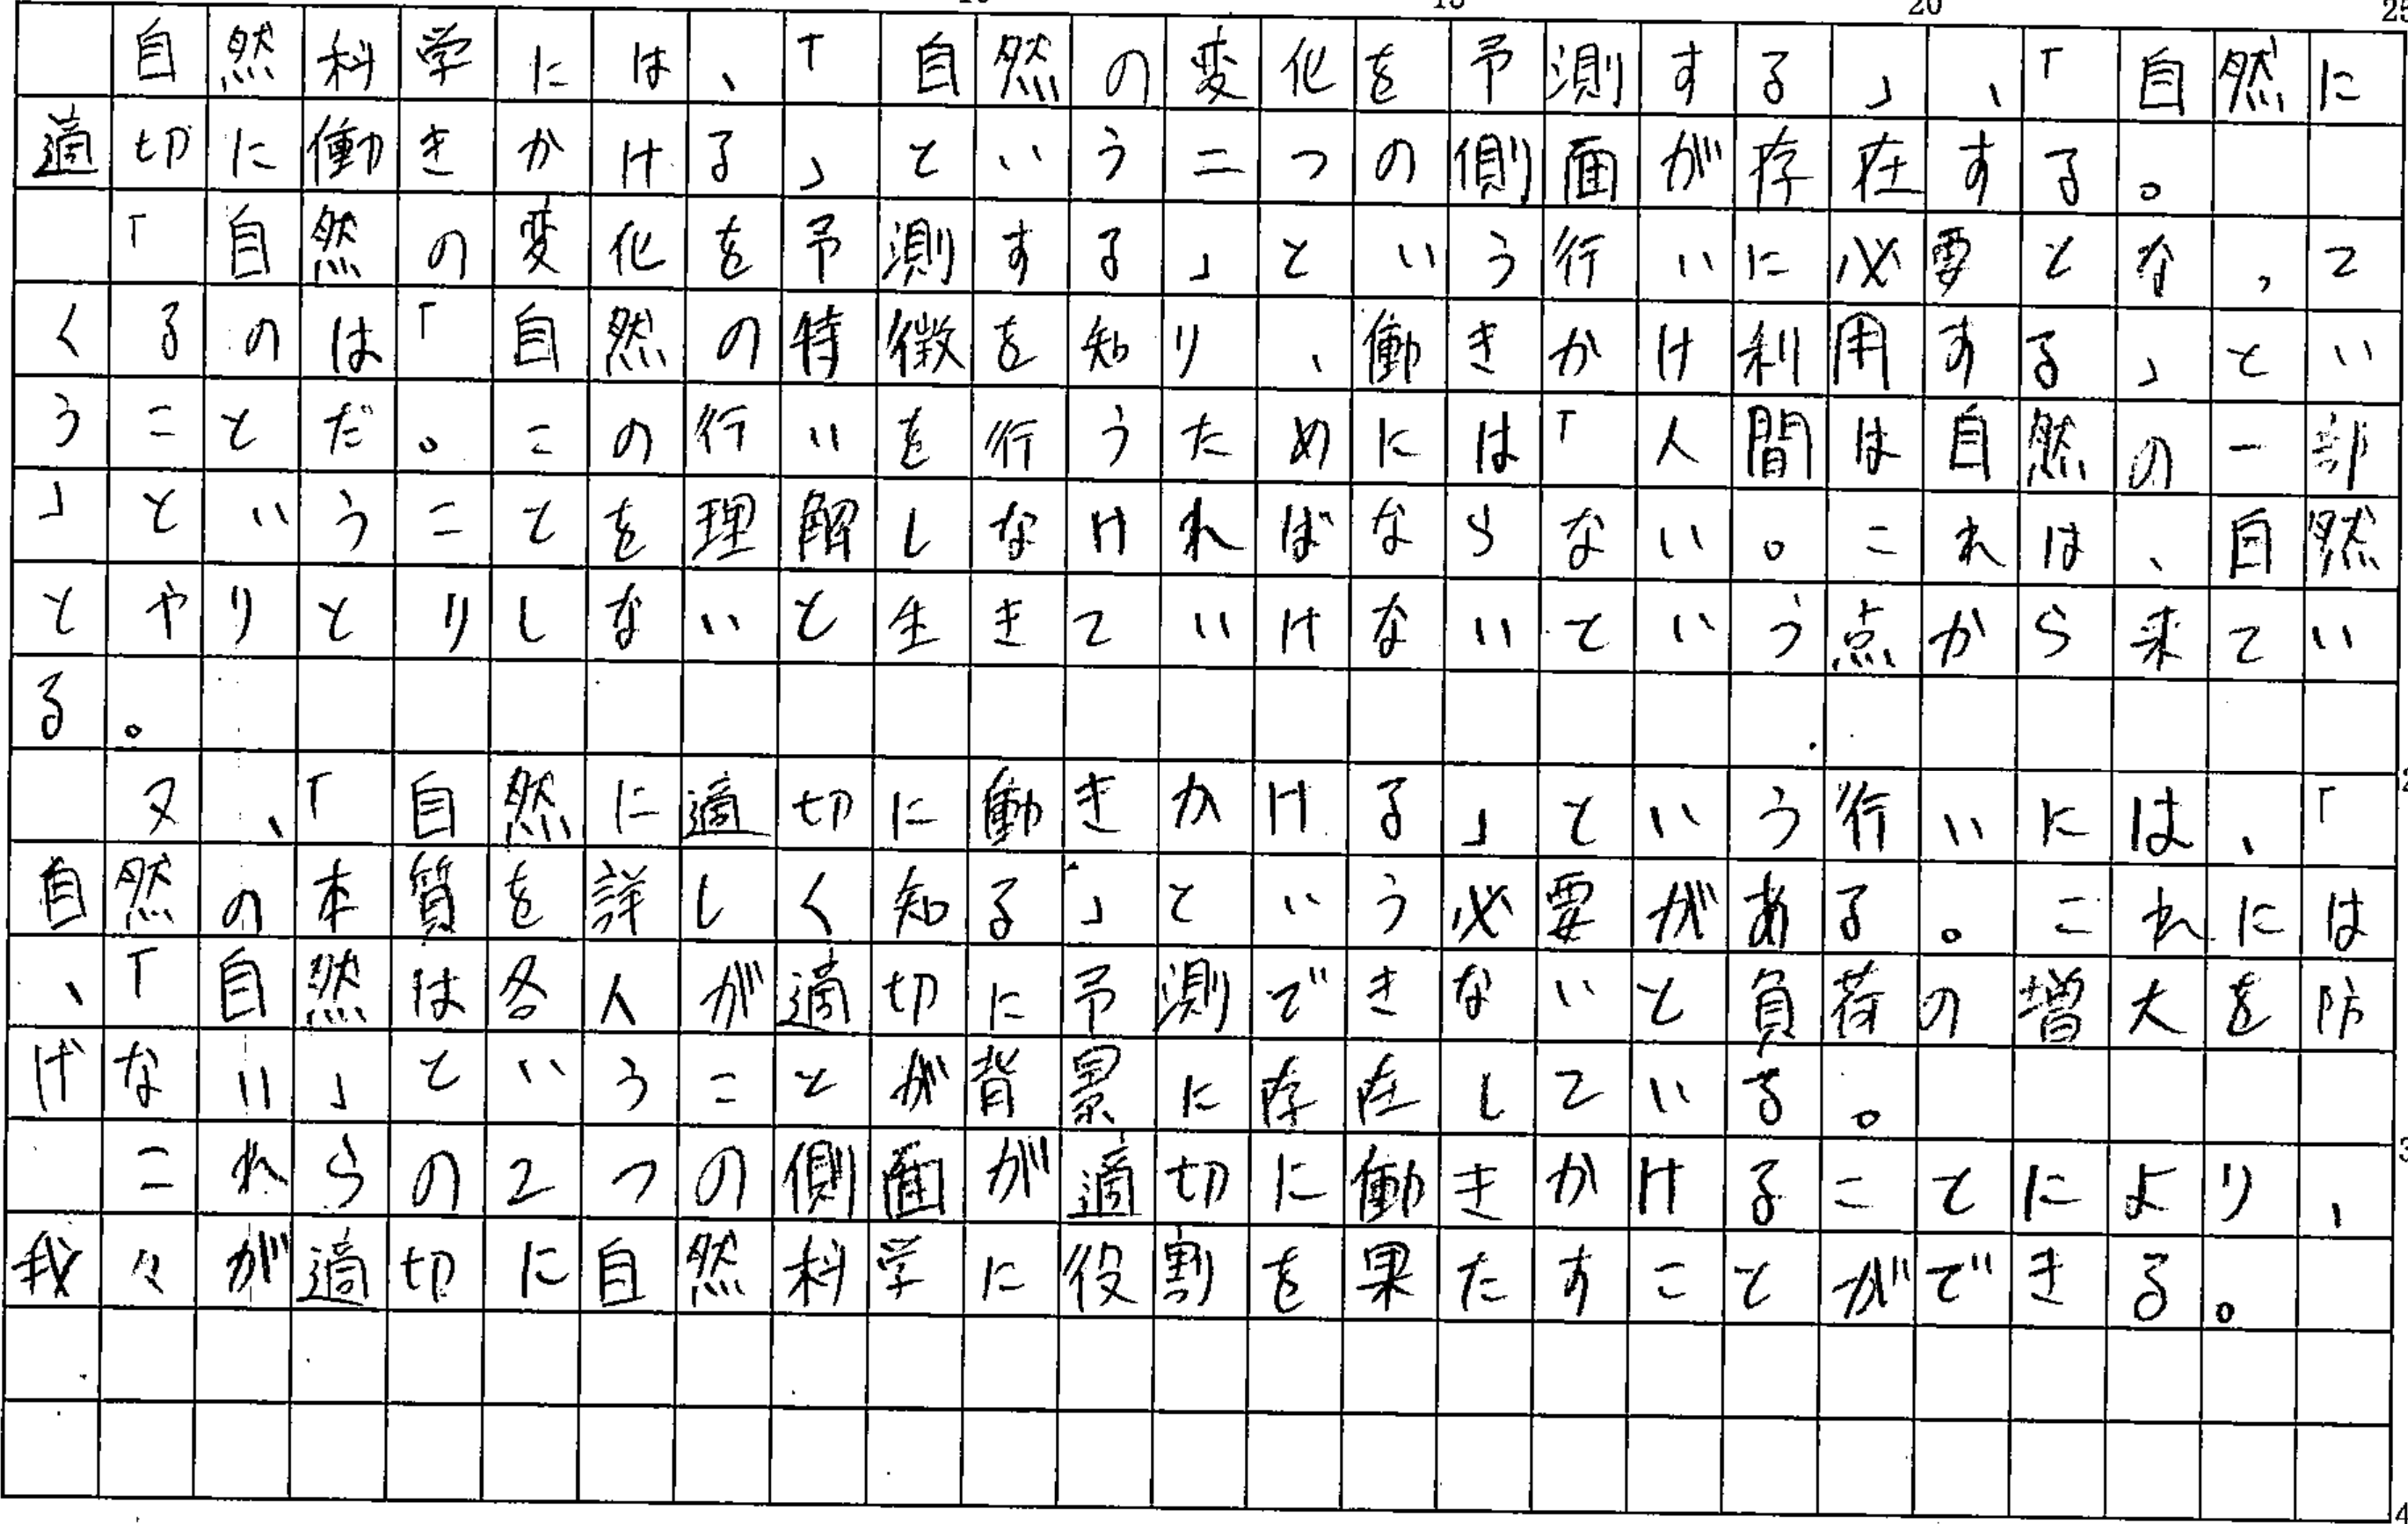　自然科学には、「自然の変化を予測する」、「自然に適切に働きかける」という二つの側面が存在する。
　「自然の変化を予測する」という行いに必要となってくるのは「自然の特徴を知り、働きかけ利用する」ということだ。この行いを行うためには「人間は自然の一部」ということを理解しなければならない。これは、自然とやりとりしないと生きていけないという点から来ている。
　又、「自然に適切に働きかける」という行いには、「自然の本質を詳しく知る」という必要がある。これには、「自然は各人が適切に予測できないと負荷の増大を防げない」ということが背景に存在している。
　これらの２つの側面が適切に働きかけることにより、我々が適切に自然科学に役割を果たすことができる。
